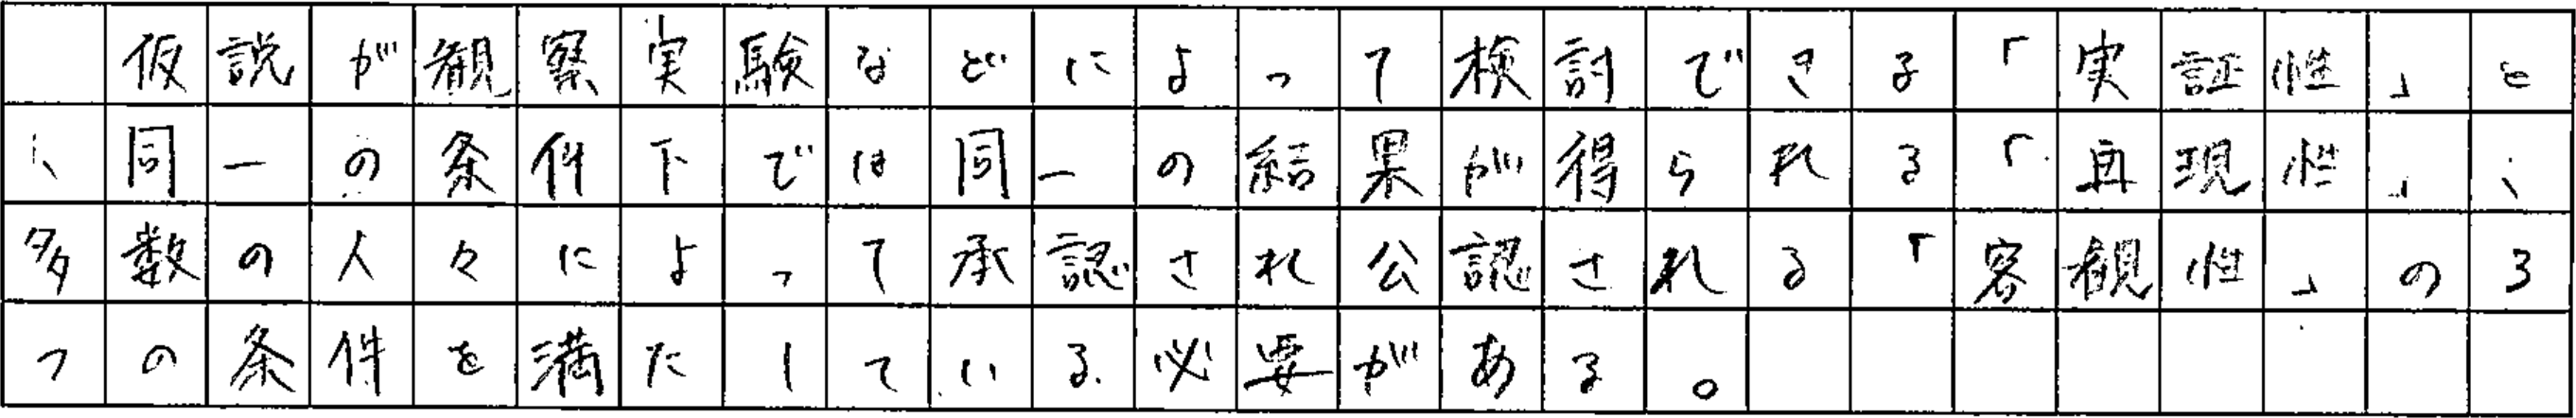　仮説が観察実験などによって検証できる「実証性」と、同一の条件下では同一の結果が得られる「再現性」、多数の人々によって承認され公認される「客観性」の３つの条件を満たしている必要がある。
